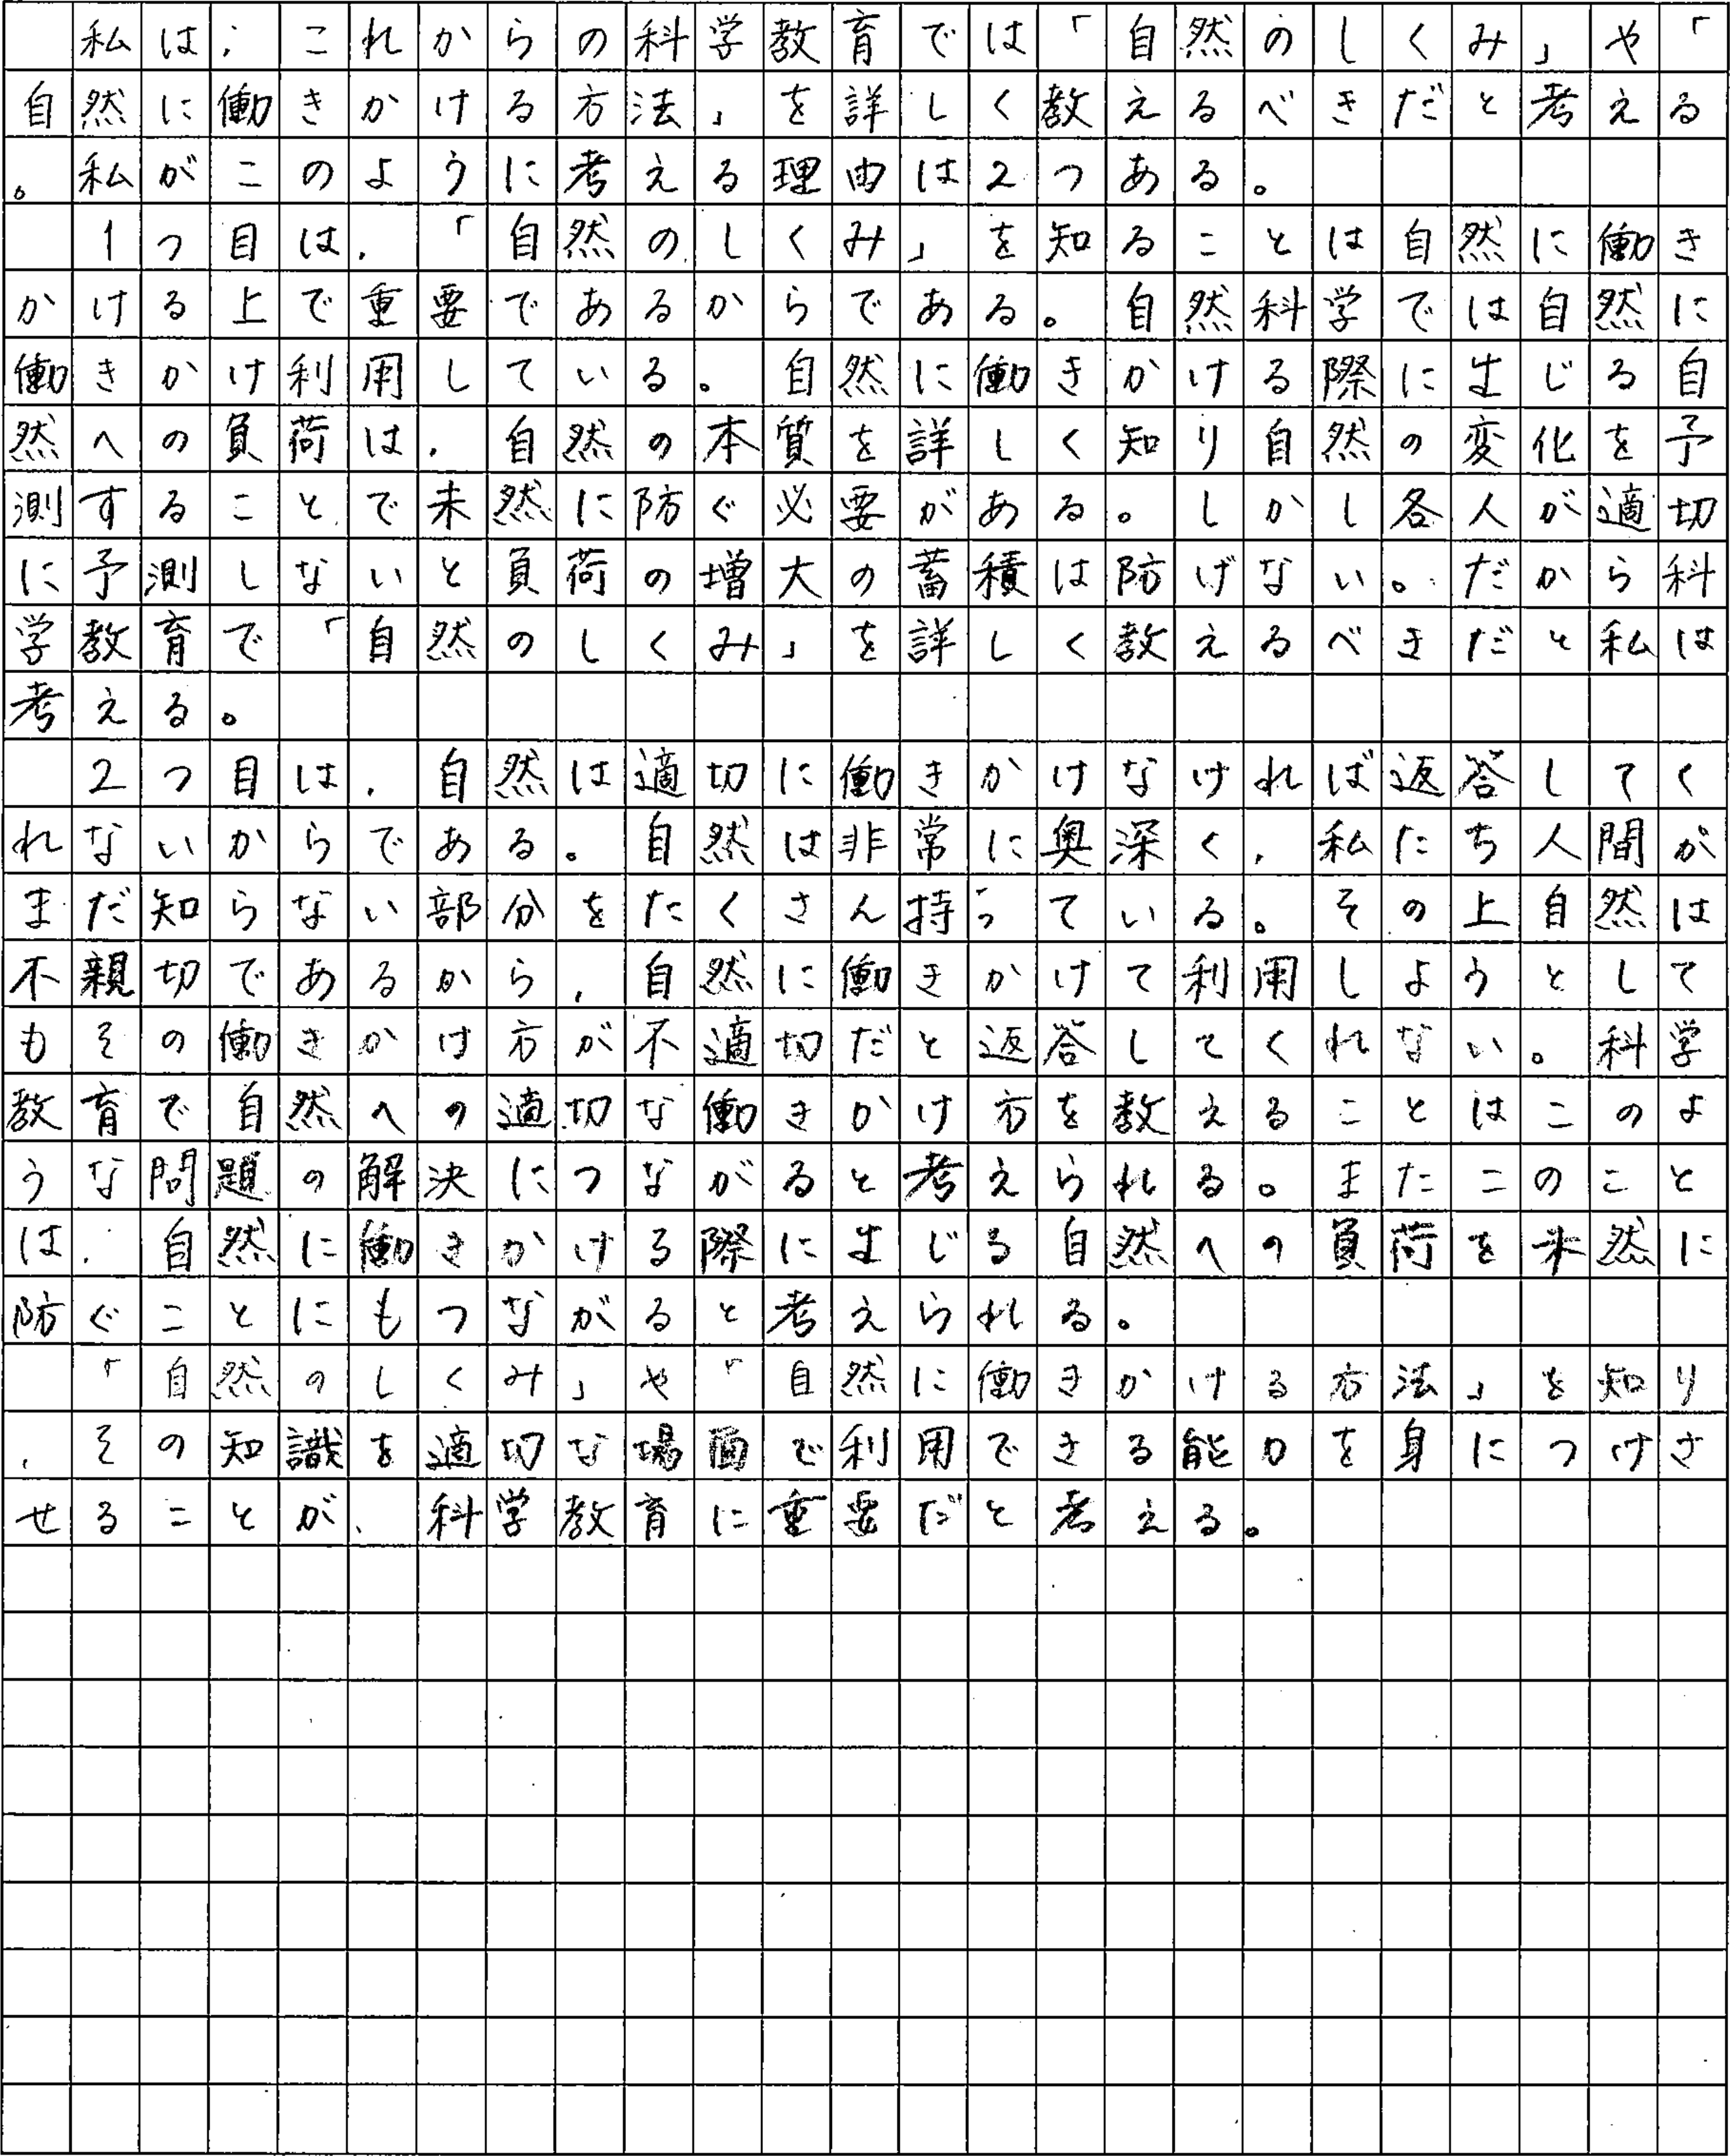　私は、これからの科学教育では「自然のしくみ」や「自然に働きかける方法」を詳しく教えるべきだと考える。私がこのように考える理由は２つある。
　１つ目は、「自然のしくみ」を知ることは自然に働きかける上で重要であるからである。自然科学では自然に働きかけ利用している。自然に働きかける際に生じる自然への負荷は、自然の本質を詳しく知り自然の変化を予測することで未然に防ぐ必要がある。しかし各人が適切に予測しないと負荷の増大の蓄積は防げない。だから科学教育で「自然のしくみ」を詳しく教えるべきだと私は考える。
　２つ目は、自然は適切に働きかけなければ返答してくれないからである。自然は非常に奥深く、私たち人間がまだ知らない部分をたくさん持っている。その上自然は不親切であるから、自然に働きかけて利用しようとしてもその働きかけ方が不適切だと返答してくれない。科学教育で自然への適切な働きかけ方を教えることはこのような問題の解決につながると考えられる。またこのことは、自然に働きかける際に生じる自然への負荷を未然に防ぐことにもつながると考えられる。
　「自然のしくみ」や「自然に働きかける方法」を知り、その知識を適切な場面で利用できる能力を身につけさせることが、科学教育に重要だと考える。
